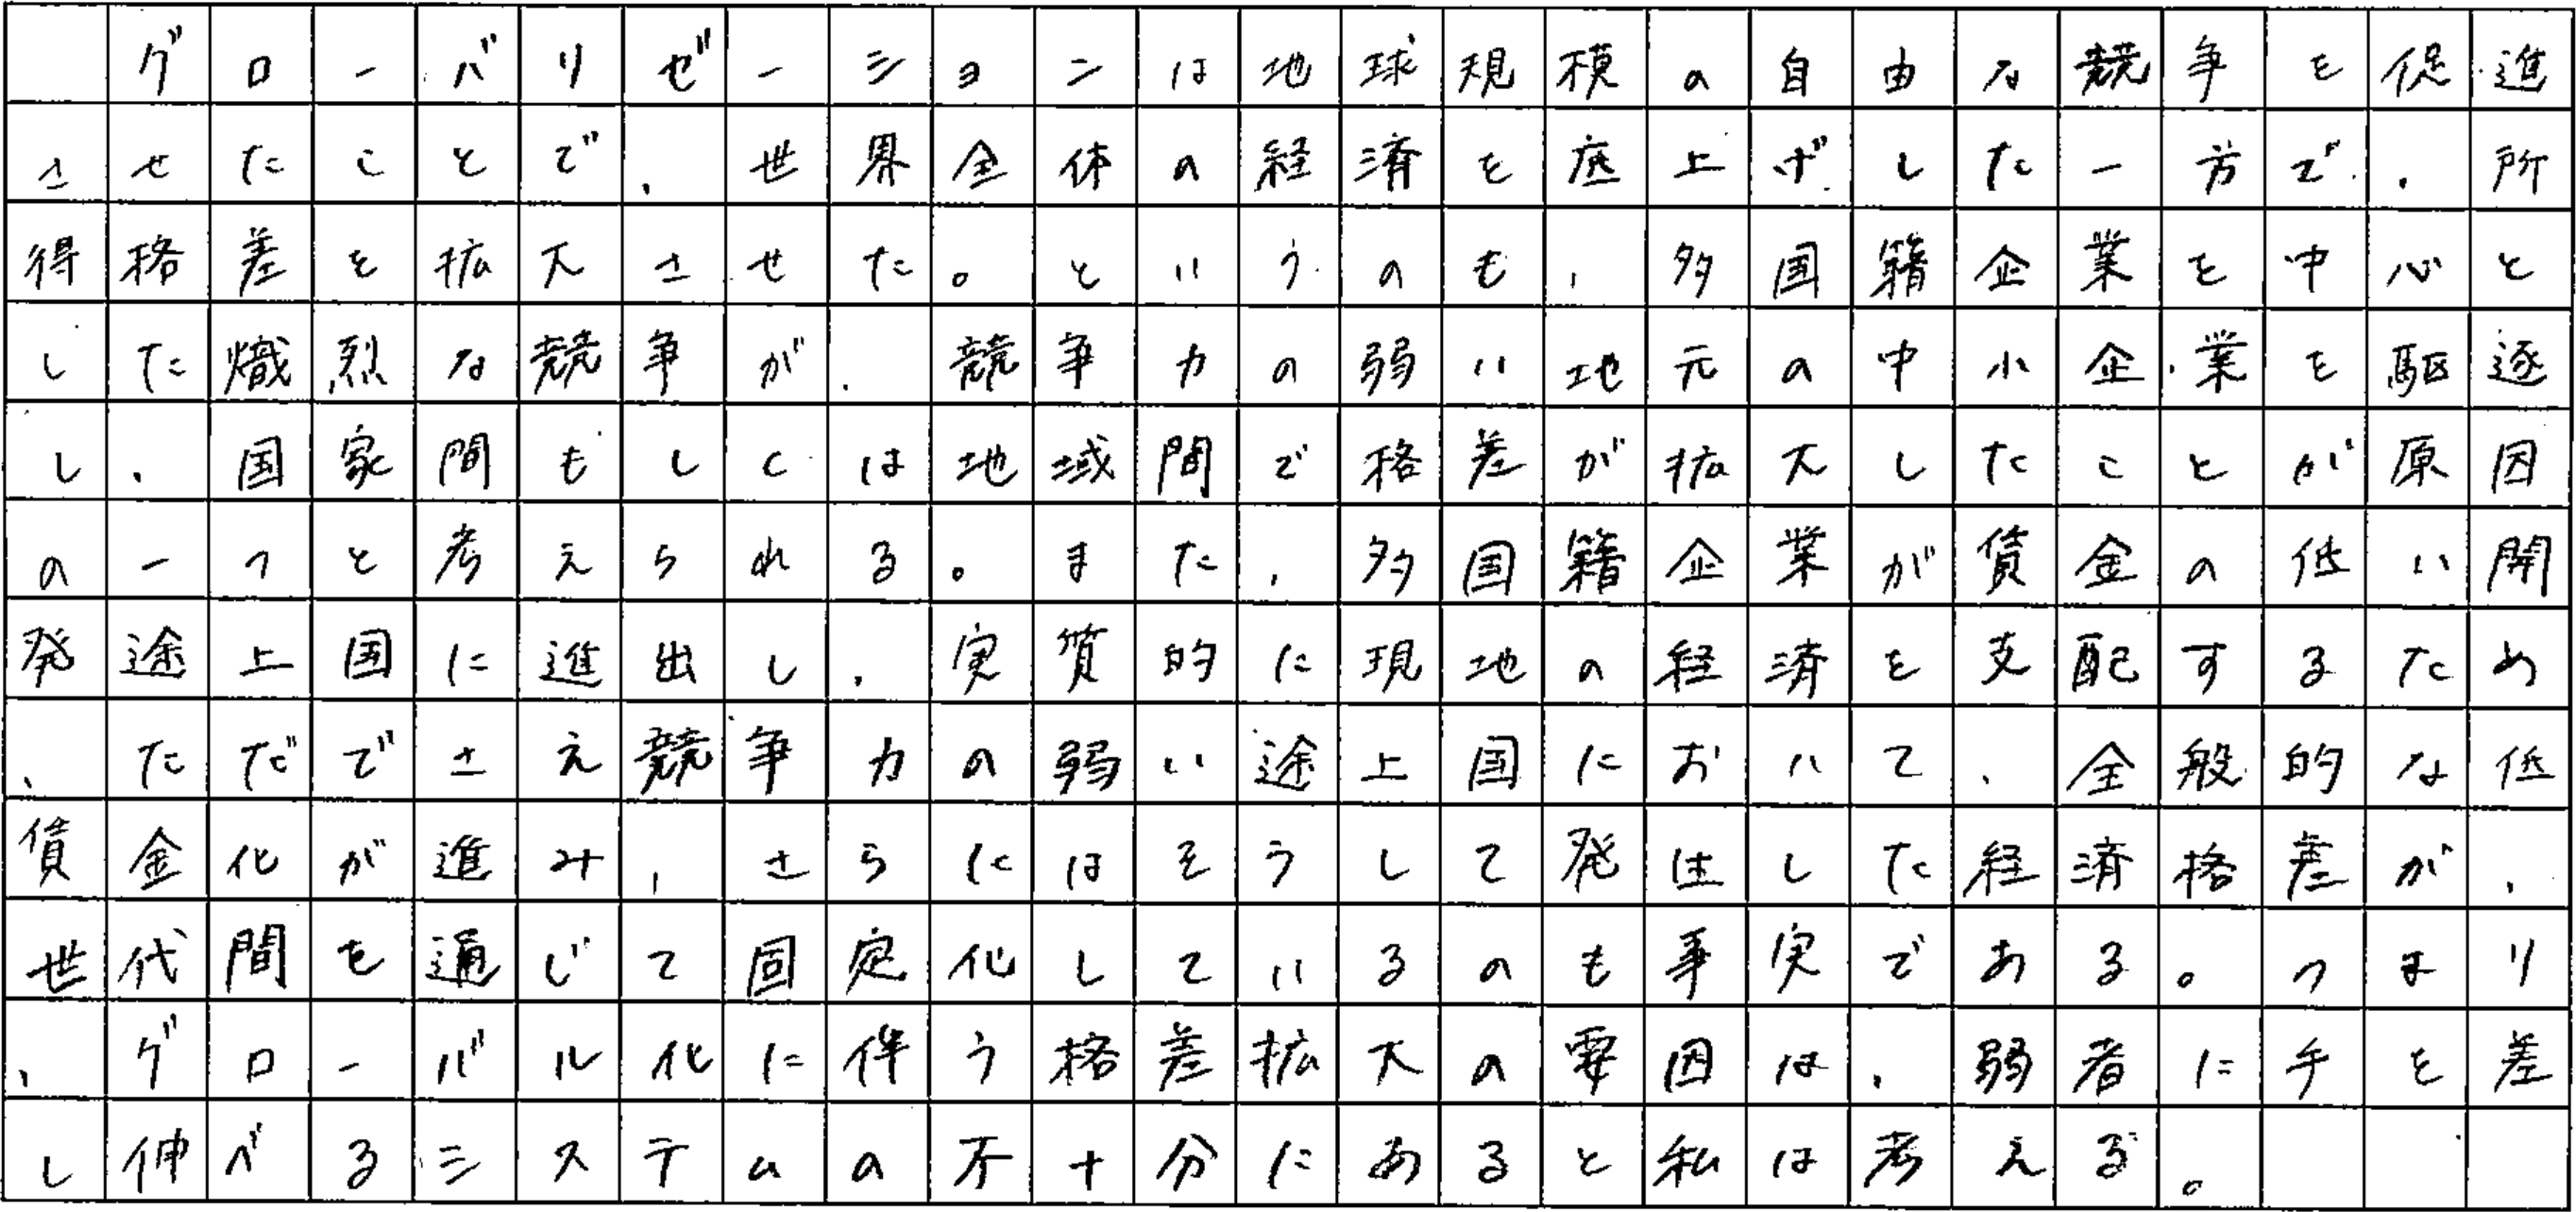  グローバリゼーションは地球規模の自由な競争を促進させたことで、世界全体の経済を底上げした一方で、所得格差を拡大させた。というのも、多国籍企業を中心とした熾烈な競争が、競争力の弱い地元の中小企業を駆逐し、国家間もしくは地域間で格差が拡大したことが原因の一つと考えられる。また、多国籍企業が賃金の低い開発途上国に進出し、実質的に現地の経済を支配するため、ただでさえ競争力の弱い途上国において、全般的な低賃金化が進み、さらにはそうして発生した経済格差が、世代間を通じて固定化しているのも事実である。つまり、グローバル化に伴う格差拡大の要因は、弱者に手を差し伸べるシステムの不十分にあると私は考える。
